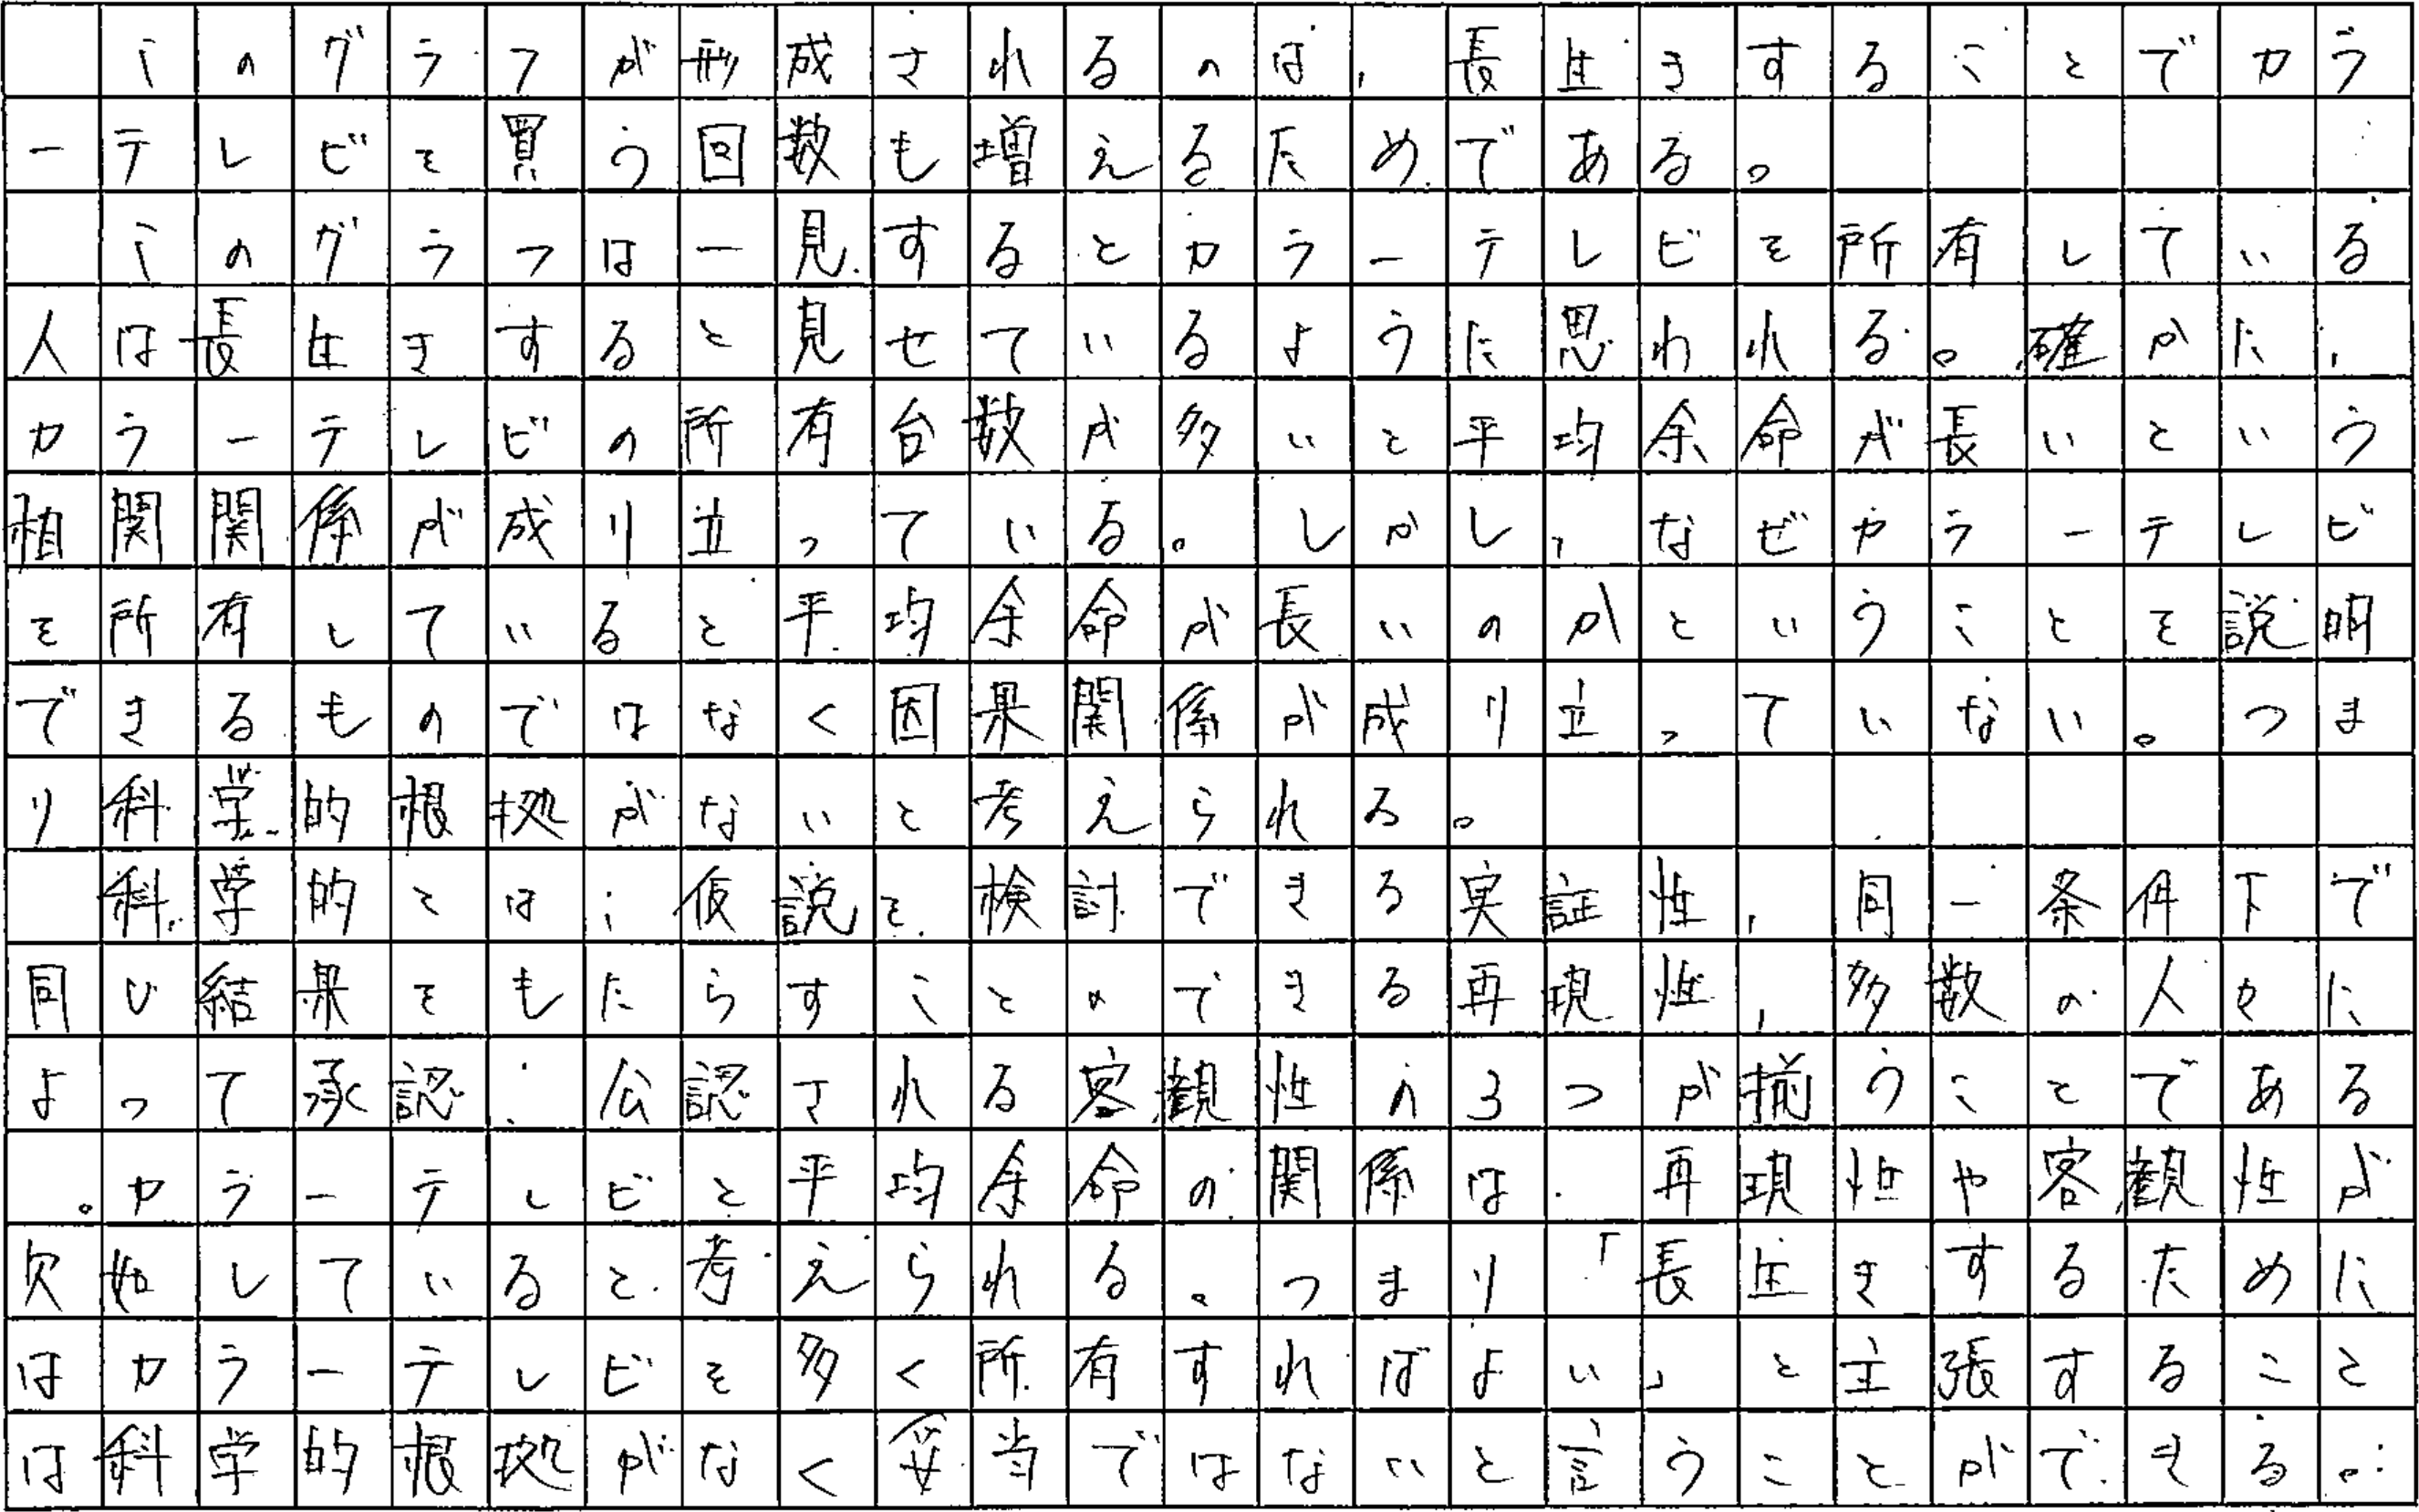　このグラフが形成されるのは、長生きすることでカラーテレビを買う回数も増えるためである。
　このグラフは一見するとカラーテレビを所有している人は長生きすると見せているように思われる。確かに、カラーテレビの所有台数が多いと平均余命が長いという相関関係が成り立っている。しかし、なぜカラーテレビを所有していると平均余命が長いのかということを説明できるものではなく因果関係が成り立っていない。つまり科学的根拠がないと考えられる。
　科学的とは、仮説を検討できる実証性、同一条件下で同じ結果をもたらすことのできる再現性、多数の人々によって承認、公認される客観性の３つが揃うことである。カラーテレビと平均余命の関係は、再現性や客観性が欠如していると考えられる。つまり「長生きするためにはカラーテレビを多く所有すればよい」と主張することは科学的根拠がなく妥当ではないと言うことができる。
